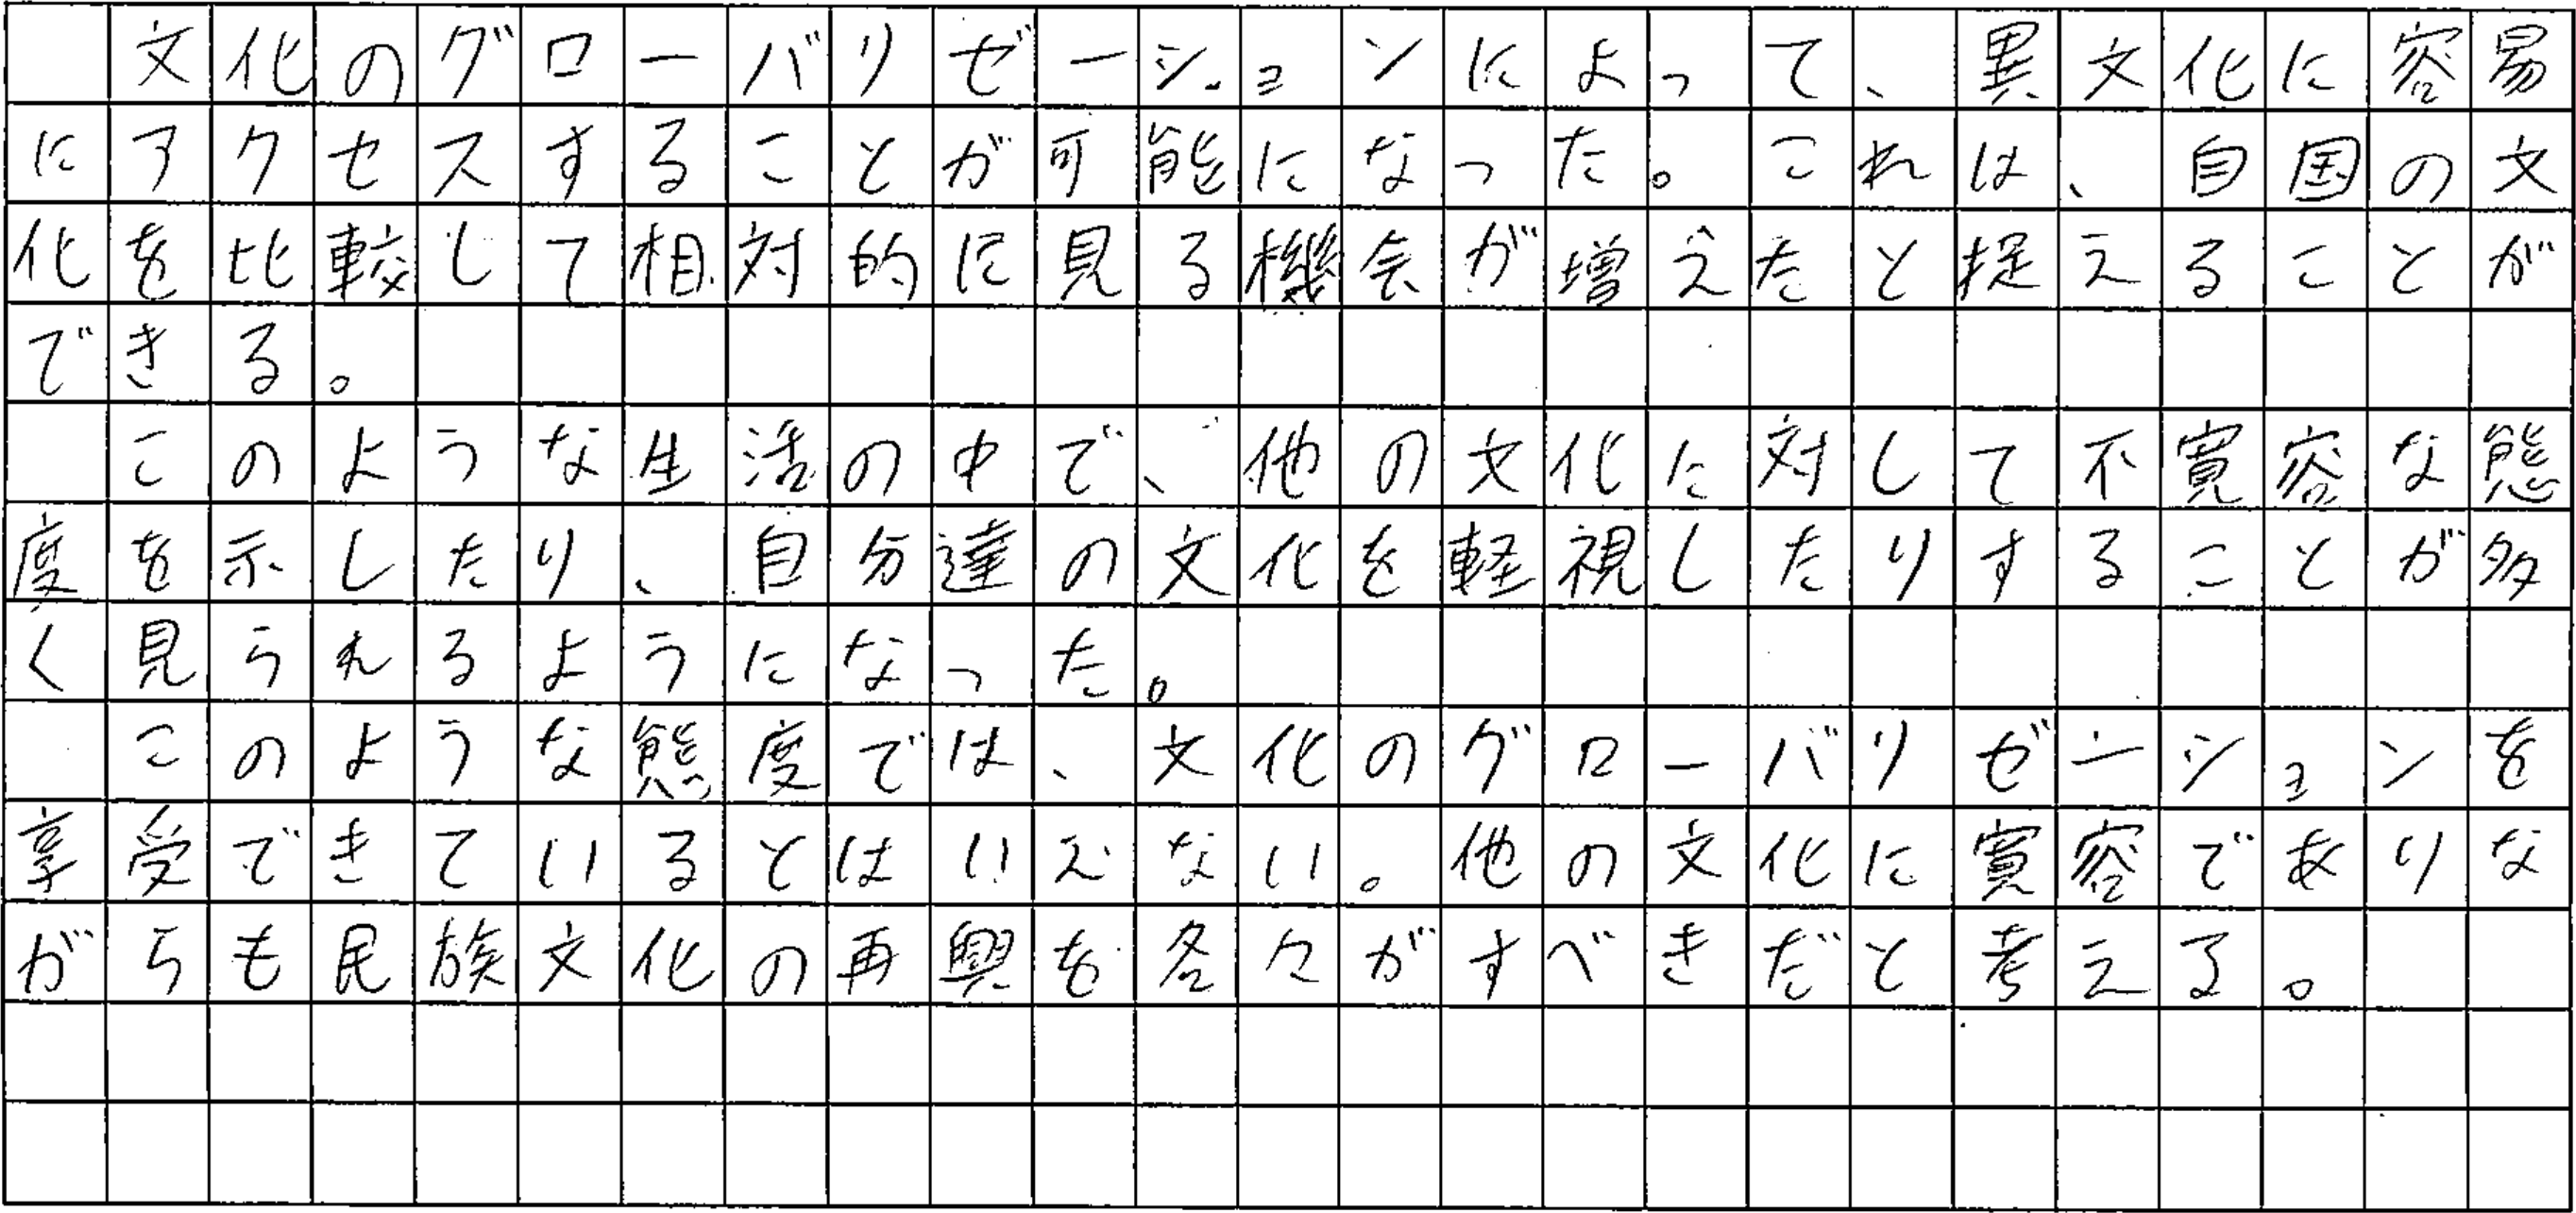　文化のグローバリゼーションによって、異文化に容易にアクセスすることが可能になった。これは、自国の文化を比較して相対的に見る機会が増えたと捉えることができる。
　このような生活の中で、他の文化に対して不寛容な態度を示したり、自分達の文化を軽視したりすることが多く見られるようになった。
　このような態度では、文化のグローバリゼーションを享受できているとはいえない。他の文化に寛容でありながらも民族文化の再興を各々がすべきだと考える。
